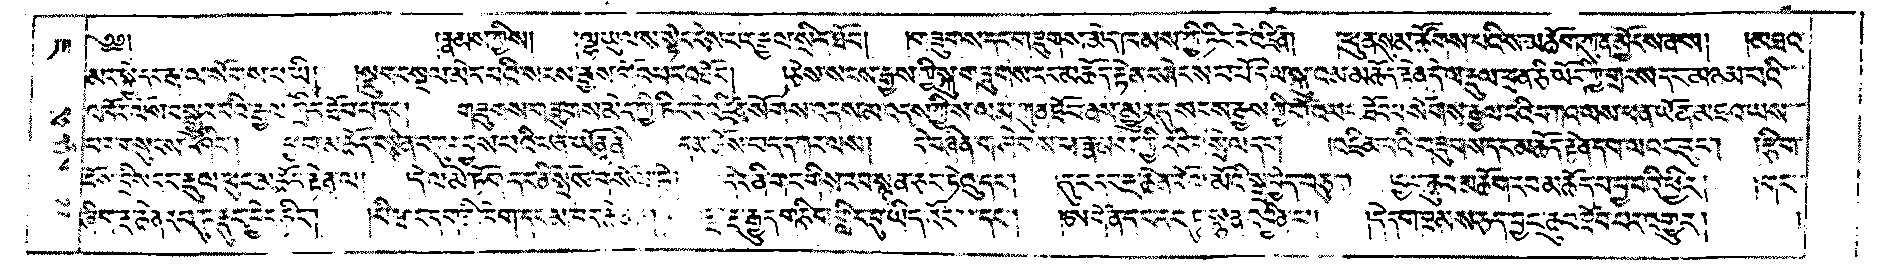༄༅། །རྣམས་ཀྱིས། །ལྷ་ཡུལ་ས་སྟེང་ངེས་པར་རྒྱལ་སྲིད་ཐོབ། །གཟུགས་དང་གཟུགས་མེད་ཁམས་ཀྱི་ཏིང་ངེ་འཛིན། །ཕུན་སུམ་ཚོགས་པའི་ས་མཆོག་ཀུན་མྱོངས་ནས། །མཐའ་
མར་སྐྱེ་དང་རྒ་ལ་སོགས་པ་ཡི། །སྡུག་བསྔལ་མེད་པའི་སངས་རྒྱས་གོ་འཕང་འཐོབ། །ཅེས་སངས་རྒྱས་ཀྱི་སྐུ་གཟུགས་དང་མཆོད་རྟེན་བཞེངས་པ་པོ་དེ་ལ་སྐུ་འམ་མཆོད་རྟེན་དེ་ལ་རྡུལ་ཕྲན་ཅི་ཡོད་ཀྱི་གྲངས་དང་མཉམ་པའི་
འཁོར་ལོས་བསྒྱུར་བའི་རྒྱལ་སྲིད་ཐོབ་པ་དང་། གཟུགས་གཟུགས་མེད་ཀྱི་ཏིང་ངེ་འཛིན་སོགས་འདས་མ་འདས་ཀྱིས་ལམ་ཀུན་ཐོབ་ནས་མྱུར་དུ་སངས་རྒྱས་ཀྱི་གོ་འཕང་ཐོབ་པ་སོགས་རྒྱལ་བའི་བཀའ་ལས་ཕན་ཡོན་མཐའ་ཡས་
པར་གསུངས་ཤིང་། ཕྱག་མཆོད་བསྙེན་བཀུར་བྱས་པའི་ཕན་ཡོན་ནི། དམ་ཆོས་པད་དཀར་ལས། དེ་བཞིན་གཤེགས་པ་རྣམས་ཀྱི་རིང་བསྲེལ་དང་། །འཇིམ་པའི་གཟུགས་དང་མཆོད་རྟེན་དག་ལའང་རུང་། །རྩིག་
ངོས་བྲིས་དང་རྡུལ་ཕུང་མཆོད་རྟེན་ལ། །དེ་ལ་མེ་ཏོག་དང་ནི་སྤོས་གསོལ་ཏེ། །དེར་ནི་གང་གིས་རབ་སྙན་ཅང་ཏེའུ་དང་། །དུང་དང་རྔ་ཆེན་རོལ་མོའི་སྒྲ་བྱེད་བཅུག །བྱང་ཆུབ་མཆོག་རབ་མཆོད་པ་བྱ་བའི་ཕྱིར། །གང་
ཞིག་རྔ་ཆེན་རབ་ཏུ་རྡུང་བྱེད་ཅིང་། །པི་ཝ་ང་དག་ནི་ཁེག་དང་མཁར་ཆེན་རྔ། །རྫ་རྔ་རྒྱུད་གཅིག་གླིང་བུ་ཡིད་འོང་དང་། །ཨ་གོ་ན་དང་རབ་ཏུ་སྙན་འབྱིན་པ། །དེ་དག་ཐམས་ཅད་བྱང་ཆུབ་ཐོབ་པར་འགྱུར། །